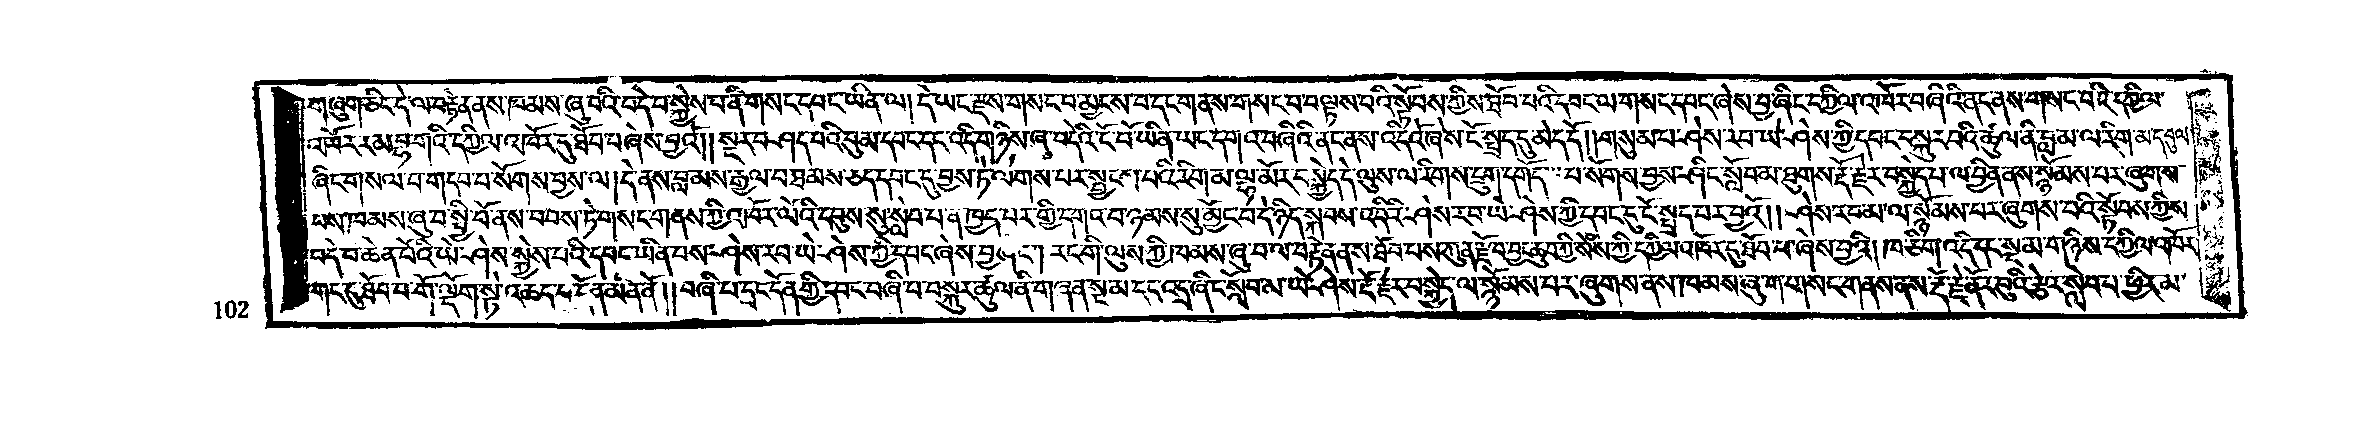གཞུག་ཅིང་དེ་ལ་བརྟེན་ནས་ཁམས་ཞུ་བའི་བདེ་བ་སྐྱེས་པ་ནི་གསང་དབང་ཡིན་ལ། དེ་ཡང་རྫས་གསང་བ་མྱངས་བ་དང་གནས་གསང་བ་བལྟས་པའི་སྟོབས་ཀྱིས་ཐོབ་པའི་དབང་ལ་གསང་དབང་ཞེས་བྱ་ཞིང་དཀྱིལ་འཁོར་བཞིའི་ནང་ནས་གསང་བའི་དཀྱིལ་
འཁོར་རམ་བྷ་གའི་དཀྱིལ་འཁོར་དུ་ཐོབ་པ་ཞེས་བྱའོ། །སྔར་བཤད་པའི་བུམ་དབང་དང་འདི་གཉིས་ཞུ་བདེའི་ངོ་བོ་ཡིན་ཡང་དགའ་བཞིའི་ནང་ནས་འདིའོ་ཞེས་ངོ་སྤྲད་དུ་མེད་དོ། །གསུམ་པ་ཤེས་རབ་ཡེ་ཤེས་ཀྱི་དབང་བསྐུར་བའི་ཚུལ་ནི་བླ་མ་ལ་རིག་མ་དབུལ་
ཞིང་གསོལ་བ་གདབ་པ་སོགས་བྱས་ལ། དེ་ནས་བླ་མས་རྒྱལ་བ་ཐམས་ཅད་དབང་དུ་བྱས་ཏེ་ལེགས་པར་སྦྱངས་པའི་རིག་མ་ལྷ་མོར་བསྐྱེད་དེ་ལུས་ལ་རིགས་དྲུག་དགོད་པ་སོགས་བྱས་ཤིང་སློབ་མ་ཐུགས་རྡོ་རྗེར་བསྐྱེད་པ་ལ་བྱིན་ནས་སྙོམས་པར་ཞུགས་
པས་ཁམས་ཞུ་བ་སྤྱི་བོ་ནས་བབས་ཏེ་གསང་གནས་ཀྱི་འཁོར་ལོའི་དབུས་སུ་སླེབ་པ་ན་ཁྱད་པར་གྱི་དགའ་བ་ཉམས་སུ་མྱོང་བ་དེ་ཉིད་སྐབས་འདིའི་ཤེས་རབ་ཡེ་ཤེས་ཀྱི་དབང་དུ་ངོ་སྤྲད་པར་བྱའོ། །ཤེས་རབ་མ་ལ་སྙོམས་པར་ཞུགས་པའི་སྟོབས་ཀྱིས་
བདེ་བ་ཆེན་པོའི་ཡེ་ཤེས་སྐྱེས་པའི་དབང་ཡིན་པས་ཤེས་རབ་ཡེ་ཤེས་ཀྱི་དབང་ཞེས་བྱ་ཞིང་། རང་གི་ལུས་ཀྱི་ཁམས་ཞུ་བ་ལ་བརྟེན་ནས་ཐོབ་པས་ཀུན་རྫོབ་བྱང་ཆུབ་ཀྱི་སེམས་ཀྱི་དཀྱིལ་འཁོར་དུ་ཐོབ་པ་ཞེས་བྱའི། ཁ་ཅིག་འདི་དང་སྔ་མ་གཉིས་དཀྱིལ་འཁོར་
གང་དུ་ཐོབ་པ་གོ་ལྡོག་སྟེ་འཆད་པ་དོན་མིན་ནོ། །བཞི་པ་དྲང་དོན་གྱི་དབང་བཞི་པ་བསྐུར་ཚུལ་ནི་གཞན་སྔ་མ་དང་འདྲ་ཞིང་སློབ་མ་ཡེ་ཤེས་རྡོ་རྗེར་བསྐྱེད་ལ་སྙོམས་པར་ཞུགས་ནས་ཁམས་ཞུ་ག་གསང་གནས་ནས་རྡོ་རྗེ་ནོར་བུའི་རྩེར་སླེབ་པ་ཕྱིར་མ་